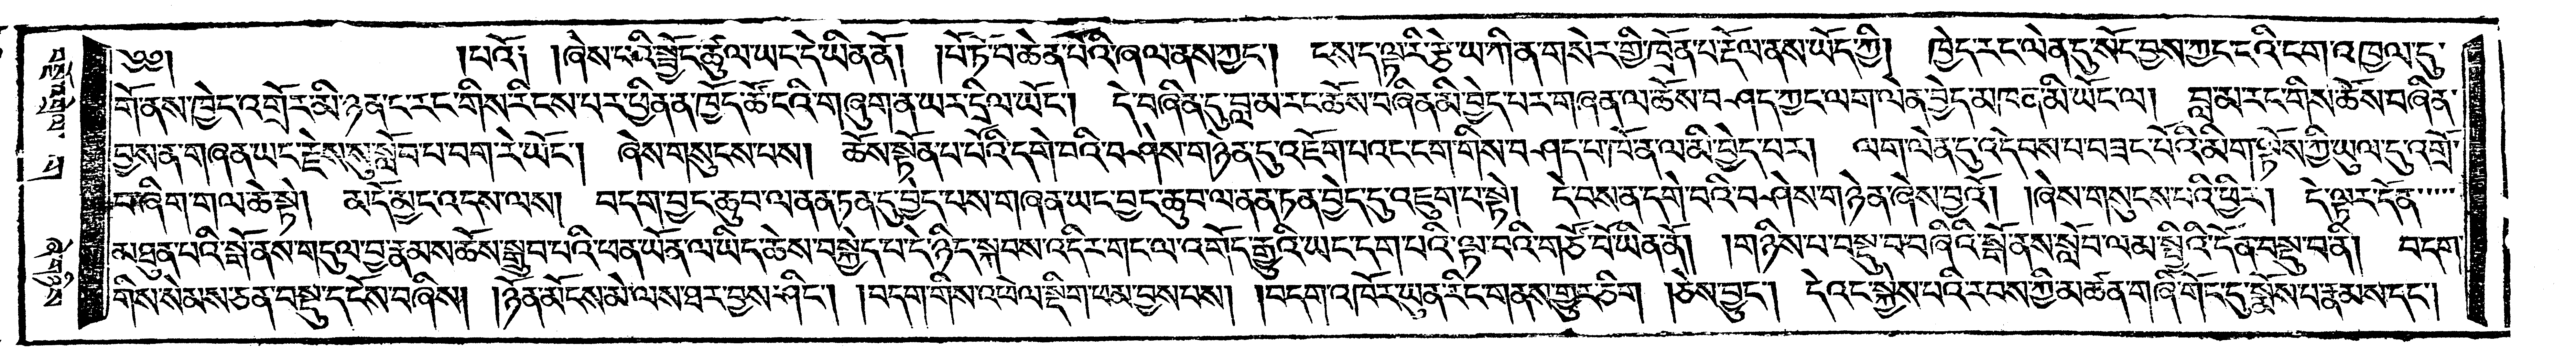༄༅། །བའོ༑ །ཞེས་པའི་སྤྱོད་ཚུལ་ཡང་དེ་ཡིན་ནོ། །བོ་ཏོ་བ་ཆེན་པོའི་ཞལ་ནས་ཀྱང་། ངས་ད་ལྟ་རི་རྩེ་ཡ་ཀྱི་ན་གསེར་གྱི་ཁྲོན་པ་རྡོལ་ནས་ཡོད་ཀྱི། ཁྱེད་རང་ལེན་དུ་སོང་བྱས་ཀྱང་ངའི་ངག་འཁྱལ་དུ་
གོ་ནས་ཁྱེད་འགྲོར་མི་ཉན་ང་རང་གིས་རིངས་པར་ཕྱིན་ན་ཁྱོད་ཚོ་ངའི་གཞུག་ན་ཡར་དྲིལ་ཡོང་། དེ་བཞིན་དུ་བླ་མ་རང་ཆོས་བཞིན་མི་བྱེད་པར་གཞན་ལ་ཆོས་བཤད་ཀྱང་ལག་ལེན་བྱེད་མཁན་མི་ཡོང་ལ། བླ་མ་རང་གིས་ཆོས་བཞིན་
བྱས་ན་གཞན་ཡང་རྗེས་སུ་སློབ་པ་བག་རེ་ཡོང་། ཞེས་གསུངས་པས། ཆོས་སྟོན་པ་པོའི་དགེ་བའི་བཤེས་གཉེན་དུ་འཇོག་པའང་ངག་གིས་བཤད་པ་ཁོ་ན་ལ་མི་བྱེད་པར། ལག་ལེན་དུ་འདེབས་པ་བཟང་པོའི་མིག་ལྟོས་ཀྱི་ཡུལ་དུ་འགྲོ་
བ་ཞིག་གལ་ཆེ་སྟེ། མདོ་མྱང་འདས་ལས། བདག་བྱང་ཆུབ་ལ་ནན་ཏན་དུ་བྱེད་པས་གཞན་ཡང་བྱང་ཆུབ་ལ་ནན་ཏན་བྱེད་དུ་འཇུག་པ་སྟེ། དེ་བས་ན་དགེ་བའི་བཤེས་གཉེན་ཞེས་བྱའོ། །ཞེས་གསུངས་པའི་ཕྱིར། དེ་ལྟར་དོན་
མཐུན་པའི་སྒོ་ནས་གདུལ་བྱ་རྣམས་ཆོས་སྒྲུབ་པའི་ཕན་ཡོན་ལ་ཡིད་ཆེས་བསྐྱེད་པ་དེ་ཉིད་སྐབས་འདིར་གང་ལ་འགོད་རྒྱུའི་ཡང་དག་པའི་ལྟ་བའི་གཙོ་བོ་ཡིན་ནོ། །གཉིས་པ་བསྡུ་བ་བཞིའི་སྒོ་ནས་སློབ་ལམ་སྤྱིའི་དོན་བསྡུ་བ་ནི། བདག་
གིས་སེམས་ཅན་བསྡུ་དངོས་བཞིས། །ཉོན་མོངས་མེ་ལས་ཐར་བྱས་ཤིང་། །བདག་གིས་འཕེལ་སྡིག་རམ་བྱས་པས། །བདག་འཁོར་ཡུན་རིང་གནས་གྱུར་ཅིག །ཅེས་བྱུང་། དེའང་སྐྱེས་བའི་རབས་ཀྱི་མཚན་གཞི་གོང་དུ་སྨོས་པ་རྣམས་དང་།